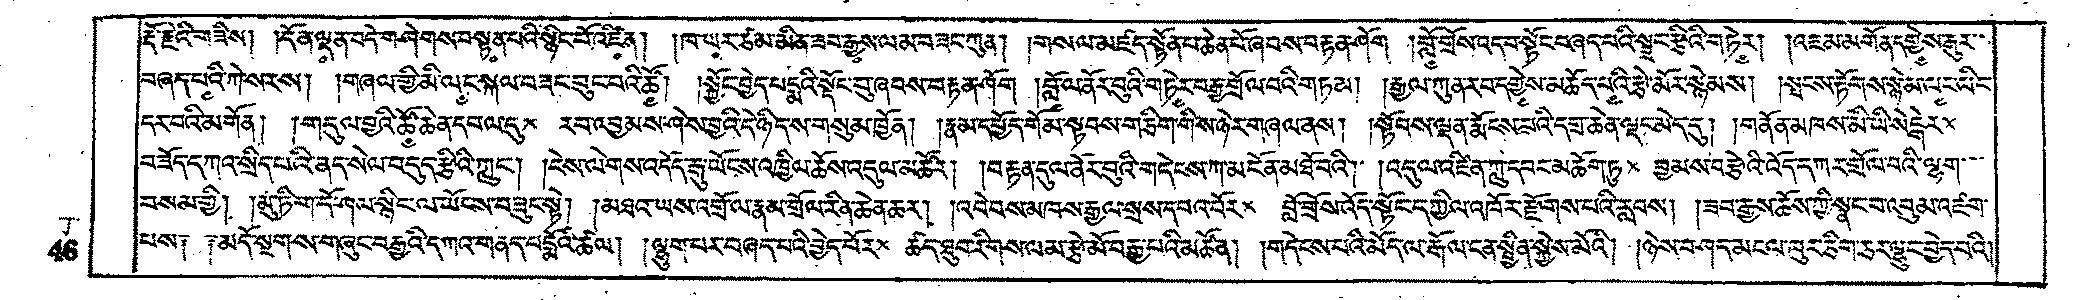རྡོ་རྗེའི་གཟིས། །དོན་ལྡན྾་བདེ་གཤེགས་བསྟན྾་པའི་སྙིང་པོ་འཛིན྾། །ཁ་ཡར྾་ཙམ་མིན་ཟབ་རྒྱས྾་ལམ་བཟང་ཀུན། །གསལ་མཛད་སྟོན་པ་ཆེན་པོ་ཞབས་བརྟན་ཤོག །བློ྾་གྲོས་འདབ་སྟོང་བཞད་པའི་སྦྲང་རྩིའི་གཏེར། །འཇམ་མགོན་དགྱེས་རྒུར་་་
བཞད་པའི་ཀེ་ས་རས། །གཞལ་གྱི་མི་ལང་སྐལ་བཟང་བུང་བའི་ཚོ། །སྐྱོང་བྱེད་པདམའི་སྡོང་བུ་ཞབས་བརྟན་ཤོག །བློ་ལ་ནོར་བུའི་གཏེར་བརྒྱ་གྲོལ་བའི་གཏམ། །རྒྱལ་ཀུན་རབ་དགྱེས་མཆོད་པའི་རྩེ་མོར་སྙེམས། །སྤངས་རྟོགས་སྙེ་མ་ལང་ལིང་
དར་བའི་མགོན། །གདུལ་བྱའི་ཚོ་ཆེན་དཔལ་དུ་྾་རབ་འབྱམས་ཤེས་བྱའི་དེ་ཉིད་ས་གསུམ་ཁྱོན། །རྣམ་དཔྱོད་གོམ་སྟབས་གཅིག་གིས་ཉེར་གཞལ་ནས། །སྟོབས་ལྡན་རྨོངས་པའི་དགྲ་ཆེན་ལྡང་མེད་དུ། །གནོན་མཁས་མི་ཡེ་ནེངྒེར་྾་
བཟོད་དཀའ་སྲིད་པའི་ནད་སེལ་བདུད་རྩིའི་ཀླུང་། །ངེས་ལེགས་འདོད་རྒྱུ་ཡོངས་འཁྱིལ་ཆོས་འདུལ་མཚོར། །བརྟན་དུལ་ནོར་བུའི་གདེངས་ཀ་མངོན་མཐོ་བའི། །འདུལ་འཛིན་ཀླུ་དབང་མཆོག་ཏུ་྾་བྱམས་བརྩེའི་འོད་དཀར་གྲོལ་བའི་ལྷག་་་
བསམ་གྱི། །མུ་ཏིག་དོ་ཤལ་སྙིང་ལ་ཡོངས་བཟུང་སྟེ། །མཐའ་ཡས་འགྲོ་ལ་རྣམ་གྲོལ་རིན་ཆེན་ཆར། །འབེབས་མཁས་རྒྱལ་སྲས་དཔའ་བོར་྾་བློ་གྲོས་འོད་སྟོང་དཀྱིལ་འཁོར་རྫོགས་པའི་རླབས། །ཟབ་རྒྱས་ཆོས་ཀྱི་སྣང་བ་འབུམ་འཛག་
པས༑ ༑མདོ་སྔགས་གཞུང་བརྒྱའི་དཀའ་གནད་པདམོའི་ཚལ། །ལྷུག་པར་བཞད་པའི་བྱེད་པོར་྾་ཚད་ཐུབ་རིགས་ལམ་རྩེ་མོ་བརྒྱ་པའི་མཚོན། །གདེངས་པའི་མོད་ལ་རྒོལ་ངན་སྦྱིན་སྐྱེས་མོའི། །ཉེས་བཤད་མངལ་ཁུར་ཅིག་ཅར་ལྷུང་བྱེད་པའི།